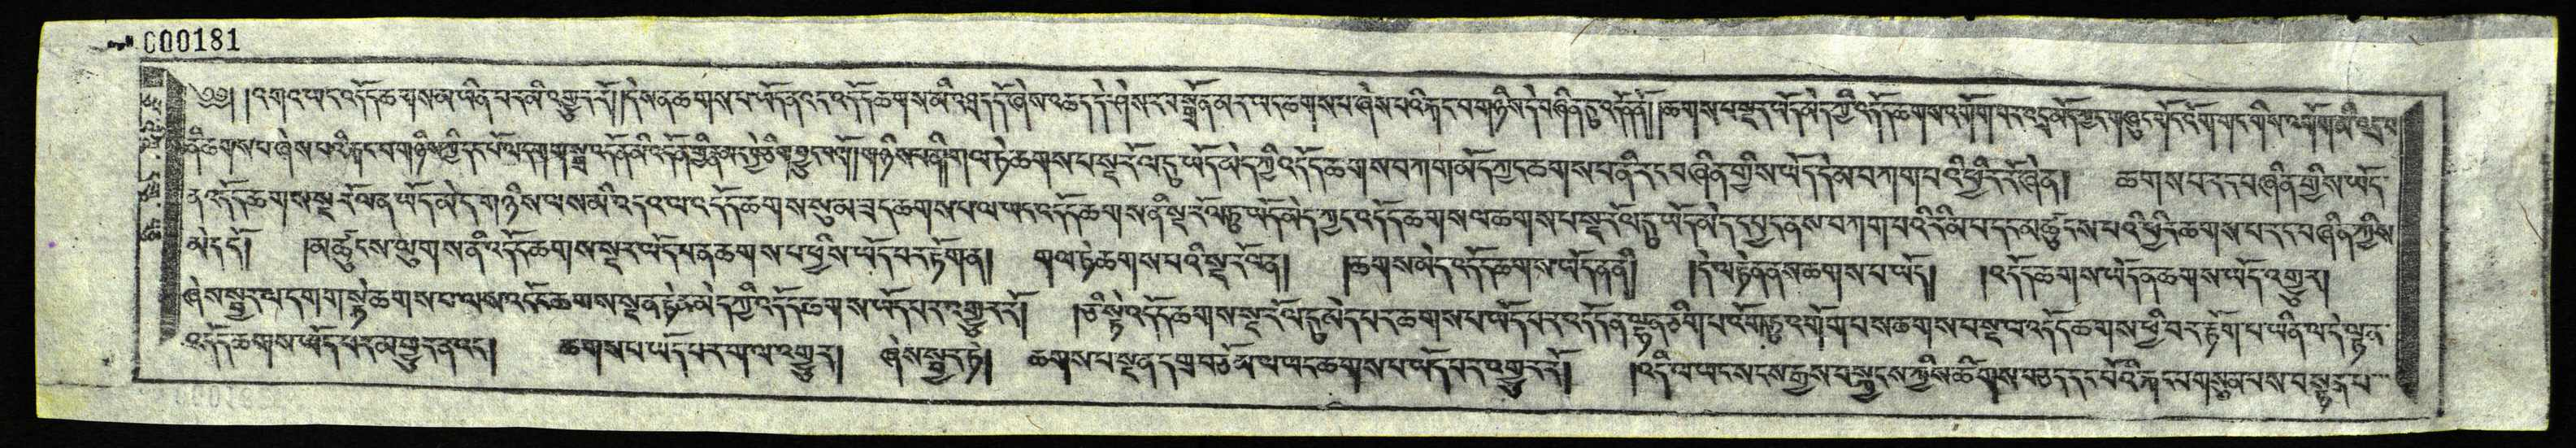༄༅། །འགའ་ཡང་འདོད་ཆགས་མ་ཡིན་པར་མི་འགྱུར་རོ། །དེས་ན་ཆགས་པ་ཡོད་ནའང་འདོད་ཆགས་མི་འཐད་དོ་ཞེས་འཆད་དེ་ཤེས་རབ་སྒྲོན་མར་ཡང་ཆགས་པ་ཞེས་པའི་རྐང་བ་གཉིས་དེ་བཞིན་དུ་འདོན་ནོ། །ཆགས་པ་སྔར་ཡོད་མེད་ཀྱི་འདོད་ཆགས་འགོག་བར་འདྲ་མོད་ཀྱང་གཞུང་གོང་འོག་གང་གིས་འགོག་མི་འདྲ་བ་
ནི་ཆགས་པ་ཞེས་པའི་རྐང་པ་གཉིས་ཀྱི་དང་པོ་ལ་དགག་སྒྲ་འདོན་མི་འདོན་གྱི་རྣམ་དབྱེ་ཅིག་བྱུང་བའོ། །གཉིས་པ་ནི། གལ་ཏེ་ཆགས་པ་སྔ་རོལ་དུ་ཡོད་མེད་ཀྱི་འདོད་ཆགས་བཀག་མོད་ཀྱང་ཆགས་པ་ནི་རང་བཞིན་གྱིས་ཡོད་དེ་མ་བཀག་པའི་ཕྱིར་རོ་ཞེ་ན། ཆགས་པ་རང་བཞིན་གྱིས་ཡོད་
ན་འདོད་ཆགས་སྔ་རོལ་ན་ཡོད་མེད་གཉིས་ལས་མི་འདའ་ལ་འདོད་ཆགས་སུ་མ་ཟད་ཆགས་པ་ལ་ཡང་འདོད་ཆགས་ནི་སྔ་རོལ་ཏུ་ཡོད་མེད་ཀྱང་འདོད་ཆགས་ལ་ཆགས་པ་སྔ་རོལ་དུ་ཡོད་མེད་དཔྱད་ནས་བཀག་པའི་རིམ་པ་དང་མཚུངས་པའི་ཕྱིར་ཆགས་པ་རང་བཞིན་ཀྱིས་
མེད་དོ། །མཚུངས་ལུགས་ནི་འདོད་ཆགས་སྔར་ཡོད་པ་ན་ཆགས་པ་ཕྱིས་ཡོད་པར་རྟོག་ན། གལ་ཏེ་ཆགས་པའི་སྔ་རོལ་ན། །ཆགས་མེད་འདོད་ཆགས་ཡོད་ན་ནི། །དེ་ལ་རྟེན་ནས་ཆགས་པ་ཡོད། །འདོད་ཆགས་ཡོད་ན་ཆགས་ཡོད་འགྱུར།
ཞེས་སྦྱར་ལ་དགག་སྟེ་ཆགས་པ་ལས་འདོད་ཆགས་སྔ་ན་རྟེན་མེད་ཀྱི་འདོད་ཆགས་ཡོད་པར་འགྱུར་རོ། །ཅི་སྟེ་འདོད་ཆགས་སྔ་རོལ་དུ་མེད་པར་ཆགས་པ་ཡོད་པར་འདོད་ན་ལྷན་ཅིག་པ་འོག་ཏུ་འགོག་པས་ཆགས་པ་སྔ་ལ་འདོད་ཆགས་ཕྱི་བར་རྟོག་པ་ཡིན་ལ་དེ་ལྟ་ན་
འདོད་ཆགས་ཡོད་པར་མ་གྱུར་ནའང་། ཆགས་པ་ཡོད་པར་ག་ལ་འགྱུར། ཞེས་སྦྱར་ཏེ། ཆགས་པ་སྔན་དགྲ་བཅོམ་པ་ཡང་ཆགས་པ་ཡོད་པར་འགྱུར་རོ། །འདི་ལ་ཡང་སངས་རྒྱས་བསྐྱངས་ཀྱིས་ཚིགས་བཅད་དང་པོའི་རྐང་པ་གསུམ་པས་བསྟན་པ་